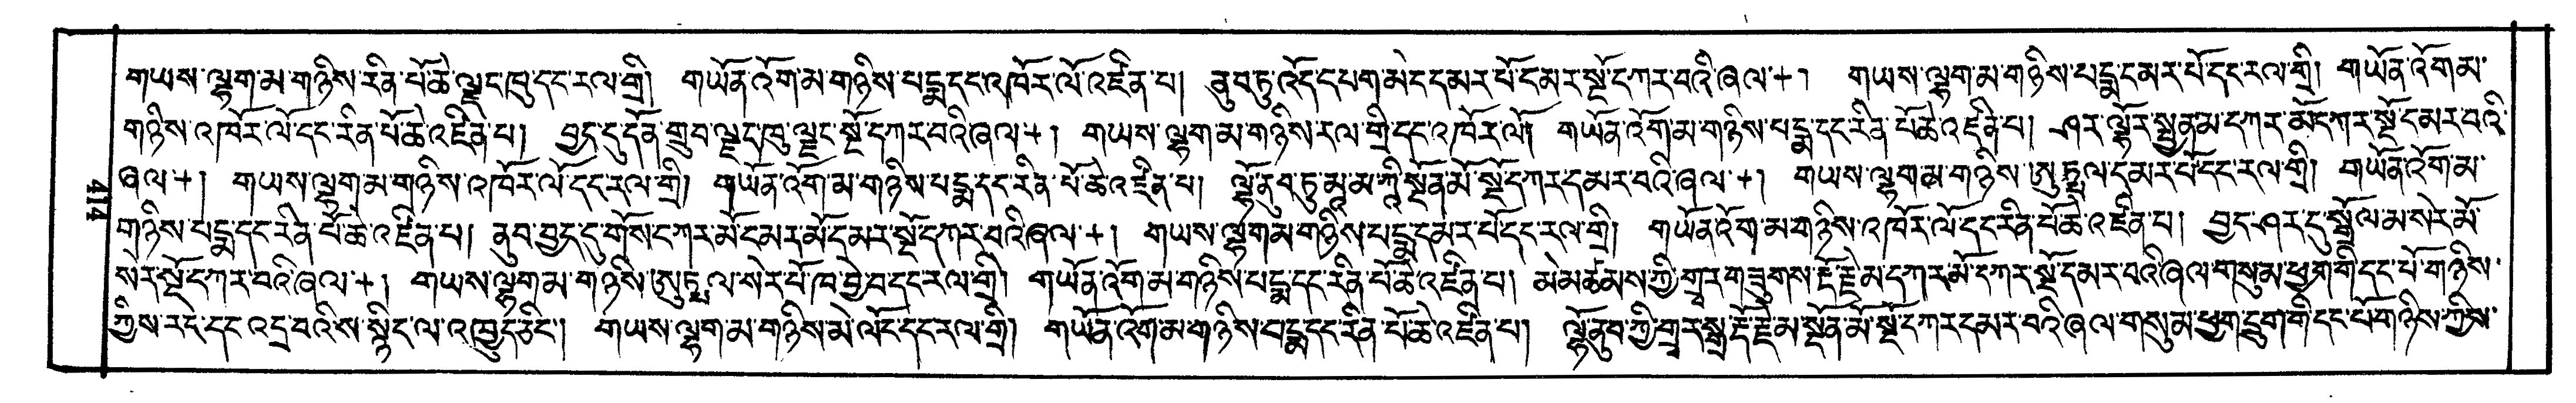གཡས་ལྷག་མ་གཉིས་རིན་པོ་ཆེ་ལྗང་ཁུ་དང་རལ་གྲི། གཡོན་འོག་མ་གཉིས་པདམ་དང་འཁོར་ལོ་འཛིན་པ། ནུབ་ཏུ་འོད་དཔག་མེད་དམར་པོ་དམར་སྔོ་དཀར་བའི་ཞལ་+། གཡས་ལྷག་མ་གཉིས་པདམ་དམར་པོ་དང་རལ་གྲི། གཡོན་འོག་མ་
གཉིས་འཁོར་ལོ་དང་རིན་པོ་ཆེ་འཛིན་པ། བྱང་དུ་དོན་གྲུབ་ལྗང་ཁུ་ལྗང་སྔོ་དཀར་བའི་ཞལ་+། གཡས་ལྷག་མ་གཉིས་རལ་གྲི་དང་འཁོར་ལོ། གཡོན་འོག་མ་གཉིས་པདམ་དང་རིན་པོ་ཆེ་འཛིན་པ། ཤར་ལྷོར་སྤྱན་མ་དཀར་མོ་དཀར་སྔོ་དམར་བའི་
ཞལ་+། གཡས་ལྷག་མ་གཉིས་འཁོར་ལོ་དང་རལ་གྲི། གཡོན་འོག་མ་གཉིས་པདམ་དང་རིན་པོ་ཆེ་འཛིན་པ། ལྷོ་ནུབ་ཏུ་མཱ་མ་ཀཱི་སྔོན་མོ་སྔོ་དཀར་དམར་བའི་ཞལ་+། གཡས་ལྷག་མ་གཉིས་ཨུཏྤ་ལ་དམར་པོ་དང་རལ་གྲི། གཡོན་འོག་མ་
གཉིས་པདམ་དང་རིན་པོ་ཆེ་འཛིན་པ། ནུབ་བྱང་དུ་གོས་དཀར་མོ་དམར་མོ་དམར་སྔོ་དཀར་བའི་ཞལ་+། གཡས་ལྷག་མ་གཉིས་པདམ་དམར་པོ་དང་རལ་གྲི། གཡོན་འོག་མ་གཉིས་འཁོར་ལོ་དང་རིན་པོ་ཆེ་འཛིན་པ། བྱང་ཤར་དུ་སྒྲོལ་མ་སེར་མོ་
སེར་སྔོ་དཀར་བའི་ཞལ་+། གཡས་ལྷག་མ་གཉིས་ཨུཏྤ་ལ་སེར་པོ་ཁ་བྱེ་བ་དང་རལ་གྲི། གཡོན་འོག་མ་གཉིས་པདམ་དང་རིན་པོ་ཆེ་འཛིན་པ། མེ་མཚམས་ཀྱི་གྲྭར་གཟུགས་རྡོ་རྗེ་མ་དཀར་མོ་དཀར་སྔོ་དམར་བའི་ཞལ་གསུམ་ཕྱག་གི་དང་པོ་གཉིས་
ཀྱིས་རང་དང་འདྲ་བའི་ས་སྙིང་ལ་འཁྱུད་ཅིང་། གཡས་ལྷག་མ་གཉིས་མེ་ལོང་དང་རལ་གྲི། གཡོན་འོག་མ་གཉིས་པདམ་དང་རིན་པོ་ཆེ་འཛིན་པ། ལྷོ་ནུབ་ཀྱི་གྲྭར་སྒྲ་རྡོ་རྗེ་མ་སྔོན་མོ་སྔོ་དཀར་དམར་བའི་ཞལ་གསུམ་ཕྱག་དྲུག་གི་དང་པོ་གཉིས་ཀྱིས་